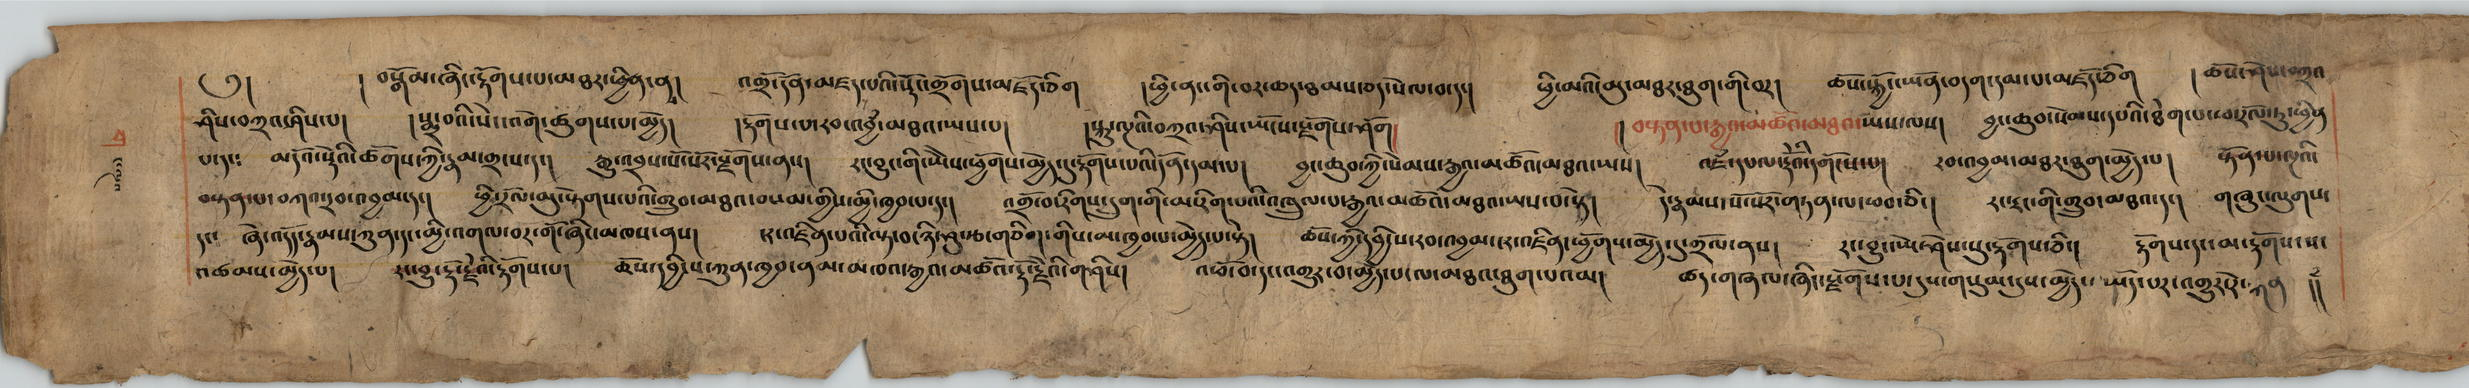། བསྒོམ་ཞིང་རྟོགས་པ་མཐར་ཕྱིན་ན། འགྲོ་དོན་མཛད་པའི་སྡོང་གྲོགས་མཛོད་ཅིག །ཕྱི་ནང་གི་བར་ཆད་ཐམས་ཅད་སེལ་བ་དང། ཕྱི་མའི་མུ་མཐའ་ཐུག་གི་བར། ཆོས་སྐྱོང་ཡོན་བདག་དམ་པ་མཛོད་ཅིག །ཆོས་ཤེས་བཀྲའ
ཤིས་བཀྲའ་ཤཱིས་པ། །སྨྲ་བའི་སེང་འགེ་ཚུགས་པ་མྱེད། །རྟོགས་པ་རབ་འབྱཾ་མཐའ་ཡས་པ། །སྐུ་ལྔའི་བཀྲའ་ཤཱིས་ཡོངས་སྫོགས་ཤོག། །།བསྟན་པ་རྒྱའ་མཚོའ་མཐའ་ཡས་ལས། བྱང་ཆུབ་སེམས་དཔའི་ཐེག་པ་ཕ་རོལ་ཏུ་ཕྱིན
པ་དང༴ མདོའ་སྡེའི་ཚོགས་ཀྱི་རྣམ་གྲངས་དང། རྒྱུ་འབྲས་སོ་སོར་སྫོགས་ནས། རང་བྱུང་ཡཻས་ཕྱོགས་མྱེད་དུ་རྟོགས་པའི་དོན་དམ་པ། བྱང་ཆུབ་ཀྱི་སེམས་རྒྱའ་མཚོའ་མཐའ་ཡས། འཇཾ་དཔལ་རྡོེའི་དགོངས་པ། རབ་འབྱམ་མཐར་ཐུག་མྱེད་པ། སྟོན་པ་ལྔའི་
བསྟན་པ་བཀའ་རབ་འབྱམ་དང། ཕྱི་རོལ་མུ་སྟེགས་པའི་གྲུབ་མཐའ་བསམ་གྱིས་མྱི་ཁྱབ་པ་དང། འགྲོ་བ་རིག་དྲུག་གི་མ་རིག་པའི་འཁྲུལ་པ་རྒྱའ་མཚོའ་མཐའ་ཡས་བ་སྟེ། དེ་རྣམས་སོ་སོར་གཏན་ལ་ཕབ་ཅིང། རང་རང་གི་གྲུབ་མཐའ་དང། གཞུང་ལུགས་
དང་ ཞེ་འདོད་རྣམས་ཀུན་དང་མྱི་འགལ་བར་གོ་ཞིང་མཁས་ནས། ངར་འཛིན་པའི་ལྟ་བ་ཉི་ཤུ་རྩ་གཅིག་གིས་མ་ཁྱབ་པ་མྱེད་པ་སྟེ། ཆོས་ཀྱི་དབྱིངས་རབ་འབྱམ་ངར་འཛིན་ཕྱོགས་མྱེད་དུ་གྲོལ་ནས། རང་བྱུང་ཡེ་ཤེས་སུ་རྟོགས་ཅིང། རྟོགས་དང་མ་རྟོགས་ས་
འཚམས་མྱེད་པ། རང་བྱུང་རྡོ་རྗེའི་རྟོགས་པ། ཆོས་དབྱིངས་ཀུན་ཁྱབ་ནམ་མཁའ་རྒྱའ་མཚོའ་རྡོ་རྗེའི་གཤིས། འཕོ་བ་དང་འགྱུར་བ་མྱེད་པ་ལ་མཐའ་ཐུག་པའམ། ཚད་གཞལ་ཞིང་སྫོགས་པ་དུས་གསུམ་དུས་མྱེད་ཡོད་པར་འགྱུར་རེ་ཀན